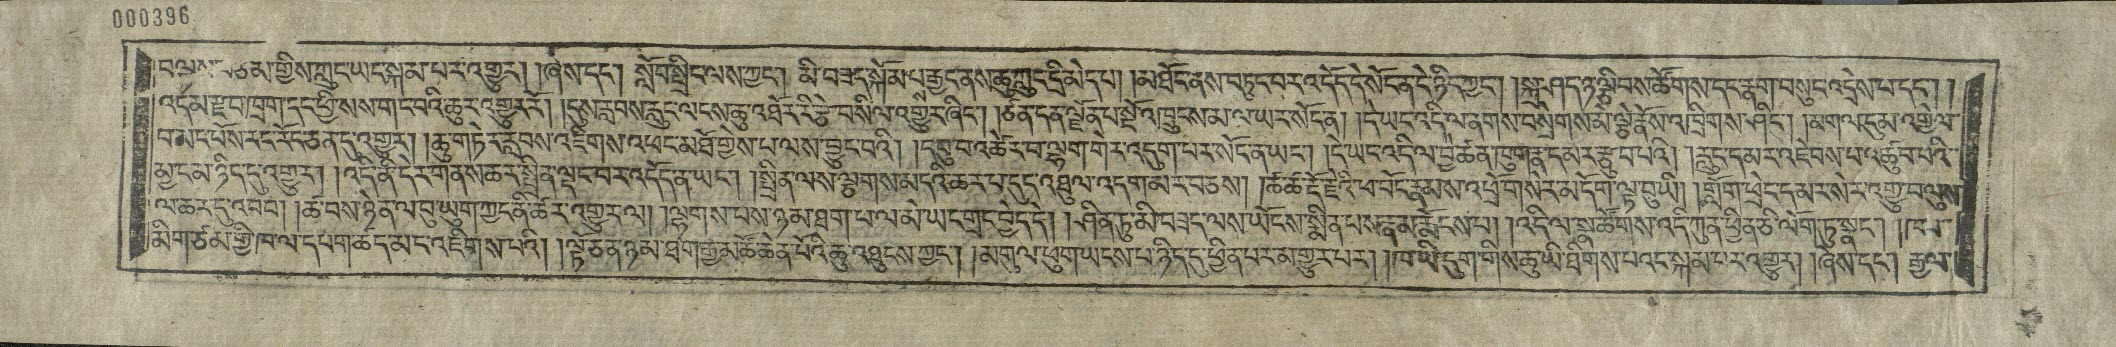བལྟས་པ་ཙམ་གྱིས་ཀླུང་ཡང་སྐམ་པར་འགྱུར། །ཞེས་དང་། སློབ་སྤྲིང་ལས་ཀྱང་། མི་བཟད་སྐོམ་པས་རྒྱང་ནས་ཆུ་ཀླུང་དྲི་མེད་པ། །མཐོང་ནས་བཏུང་བར་འདོད་དེ་སོང་ན་དེ་ཉིད་ཀྱང་། །སྐྲ་ཤད་ཉ་ལྕིབས་ཚོགས་དང་རྣག་བསུང་འདྲེས་པ་དང་། །
འདམ་རྫ་བ་ཁྲག་དང་ཕྱི་སས་གང་བའི་ཆུར་འགྱུར་རོ། །དུས་རླབས་རླུང་ལངས་ཆུ་འཐོར་རི་རྩེ་བསིལ་འགྱུར་ཞིང་། །ཙན་དན་ལྗོན་པ་སྔོ་འཁྲུངས་མ་ལ་ཡར་སོང་ན། །དེ་ཡང་འདི་ལ་ནགས་བསྲེགས་མེ་ལྕེ་རྣོས་འཁྲིགས་ཤིང་། །མགལ་དུམ་འགྱེལ་
བ་མང་པོས་རང་རོང་ཅན་དུ་འགྱུར། །ཆུ་གཏེར་རླབས་འཇིགས་འཕང་མཐོ་གྱེས་པ་ལས་བྱུང་བའི། །དབུ་བ་འཚེར་བ་ལྷག་གེར་འདུག་པར་སོང་ན་ཡང་། །དེ་ཡང་འདི་ལ་བྱེ་ཚན་ཁུག་རྣ་དམར་རྩུབ་པའི། །རླུང་དམར་འཇེབས་པ་འཚུབ་པའི་
མྱ་ངམ་ཉིད་དུ་འགྱུར། །འདི་ནི་དེར་གནས་ཆར་སྤྲིན་ལྡང་བར་འདོད་ན་ཡང་། །སྤྲིན་ལས་ལྕགས་མདའི་ཆར་པ་དུད་འཐུལ་འདག་མར་བཅས། །ཚ་ཚ་རྡོ་རྗེའི་ཕ་བོང་རྣམས་འཕྲོ་གསེར་མདོག་ལྟ་བུ་ཡི། །གློག་ཕྲེང་དམར་སེར་འགྱུ་བ་ལུས་
ལ་ཆར་དུ་འབབ། །ཚ་བས་ཉེན་ལ་བུ་ཡུག་ཀྱང་ནི་ཚར་འགྱུར་ལ། །ལྷགས་པས་ཉམ་ཐག་པ་ལ་མེ་ཡང་གྲང་བྱེད་དེ། །ཤིན་ཏུ་མི་བཟད་ལས་ཡོངས་སྨིན་པས་རྣམ་རྨོངས་པ། །འདི་ལ་སྣ་ཚོགས་འདི་ཀུན་ཕྱིན་ཅི་ལོག་ཏུ་སྣང་། །ཁབ་
མིག་ཙམ་གྱི་ཁ་ལ་དཔག་ཚད་མང་འཇིགས་པའི། །ལྟོ་ཅན་ཉམ་ཐག་རྒྱ་མཚོ་ཆེན་པོའི་ཆུ་འཐུངས་ཀྱང་། །མགུལ་ཕུག་ཡངས་པ་ཉིད་དུ་ཕྱིན་པར་མ་གྱུར་པར། །ཁ་ཡི་དུག་གིས་ཆུ་ཡི་ཐིགས་པའང་སྐམ་པར་འགྱུར། །ཞེས་དང་། རྒྱལ་